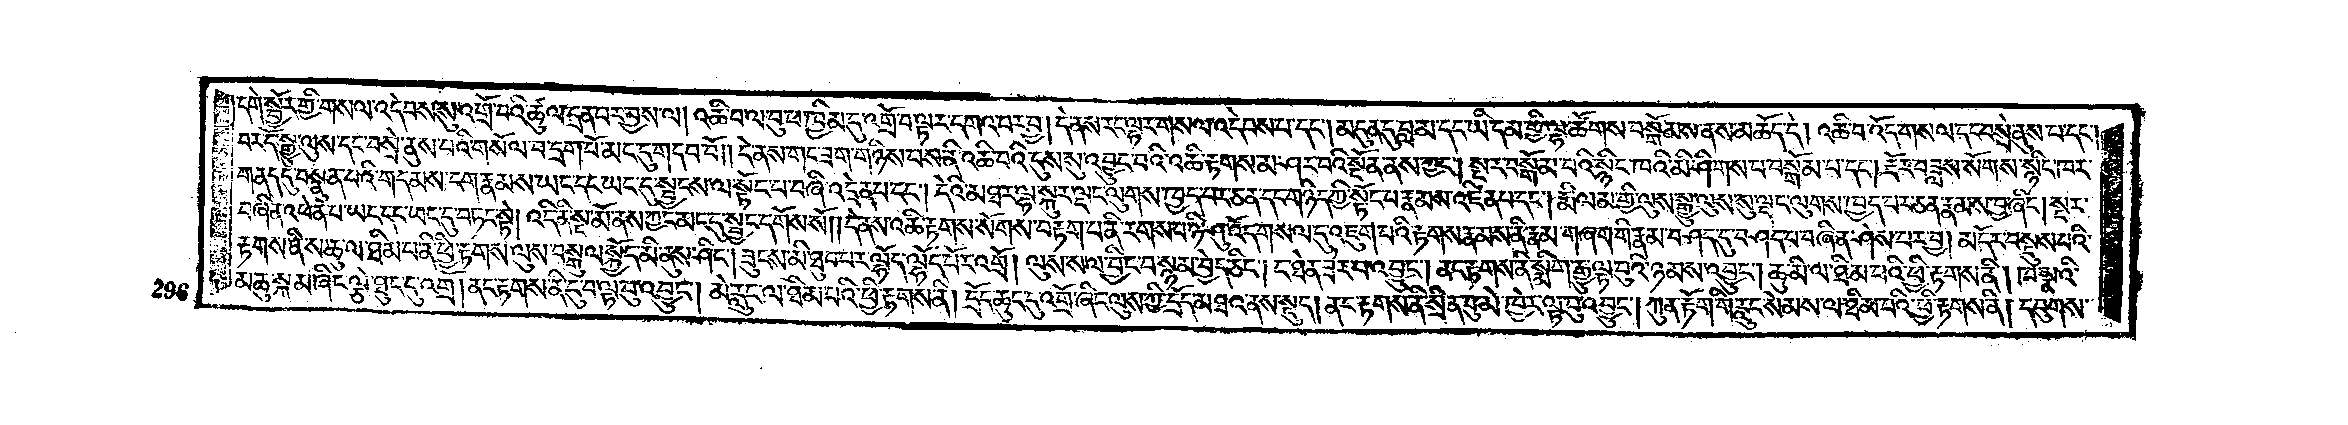དགེ་སྦྱོར་གྱི་གསལ་འདེབས་སུ་འགྲོ་བའི་ཚུལ་དྲན་པར་བྱས་ལ། འཆི་བ་ལ་བུ་ཕ་ཁྱིམ་དུ་འགྲོ་བ་ལྟར་དགའ་བར་བྱ། དེ་ནས་རང་ལྷར་གསལ་འདེབས་པ་དང་། མདུན་དུ་བླ་མ་དང་ཡི་དམ་གྱི་ལྷ་ཚོགས་བསྒོམས་ནས་མཆོད་དེ། འཆི་བ་འོད་གསལ་དང་བསྲེ་ནུས་པ་དང་།
བར་དོ་སྒྱུ་ལུས་དང་བསྲེ་ནུས་པའི་གསོལ་བ་དྲག་པོ་མང་དུ་གདབ་བོ། །དེ་ནས་གང་ཟག་གཉིས་པས་ནི་འཆི་བའི་དུས་སུ་འབྱུང་བའི་འཆི་རྟགས་མ་ཤར་བའི་སྔོན་ནས་ཀྱང་། སྔར་བསྒོམ་པའི་སྙིང་ཁའི་མི་ཤིགས་པ་བསྒོམ་པ་དང་། རྡོར་བཟླས་སོགས་སྙིང་ཁར་
གནད་དུ་བསྣུན་པའི་གདམས་ངག་རྣམས་ཡང་དང་ཡང་དུ་སྦྱངས་ལ་སྟོང་པ་བཞི་འདྲེན་པ་དང་། དེའི་མཐར་ལྷ་སྐུར་ལྡང་ལུགས་ཁྱད་པར་ཅན་དང་གཉིད་ཀྱི་སྟོང་པ་རྣམས་འཛིན་པ་དང་། རྨི་ལམ་གྱི་ལུས་སྒྱུ་ལུས་སུ་ལྡང་ལུགས་ཁྱད་པར་ཅན་རྣམས་བྱ་ཞིང་། སྔར་
བཞིན་འཕེན་པ་ཡང་དང་ཡང་དུ་བཏང་སྟེ། འདི་ནི་སྔ་མོ་ནས་ཀྱང་མང་དུ་སྦྱང་དགོས་སོ། །དེ་ནས་འཆི་རྟགས་སོགས་བརྟག་པ་ནི་རགས་པ་ཉི་ཤུ་འོད་གསལ་དུ་འཇུག་པའི་རྟགས་རྣམས་ནི་རྣམ་གཞག་གི་རྣམ་བཤད་དུ་བཤད་པ་བཞིན་ཤེས་པར་བྱ། མདོར་བསྡུས་པའི་
རྟགས་ནི་ས་ཆུ་ལ་ཐིམ་པ་ནི་ཕྱི་རྟགས་ལུས་བསྒུལ་སྐྱོད་མི་ནུས་ཤིང་། ཟུངས་མི་ཐུབ་པར་ལྷོད་ལྷོད་པོར་འགྲོ་།ལུས་ས་ལ་བྱིང་བ་སྙམ་བྱེད་ཅིང་། ང་ཐེན་ཟེར་བ་འབྱུང་། ནང་རྟགས་ནི་སྨིག་རྒྱུ་ལྟ་བུའི་ཉམས་འབྱུང་། ཆུ་མེ་ལ་ཐིམ་པའི་ཕྱི་རྟགས་ནི། ཁ་སྣའི་
མཆུ་སྐམ་ཞིང་ལྕེ་ཐུང་དུ་འགྲོ་།ནང་རྟགས་ནི་དུ་བ་ལྟ་བུ་འབྱུང་། མེ་རླུང་ལ་ཐིམ་པའི་ཕྱི་རྟགས་ནི། དྲོད་ཆུང་ངུ་འགྲོ་ཞིང་ལུས་ཀྱི་དྲོད་མཐའ་ནས་སྡུད། ནང་རྟགས་ནི་སྲིན་བུ་མེ་ཁྱེར་ལྟ་བུ་འབྱུང་། ཀུན་རྟོག་གི་རླུང་སེམས་ལ་ཐིམ་པའི་ཕྱི་རྟགས་ནི། དབུགས་